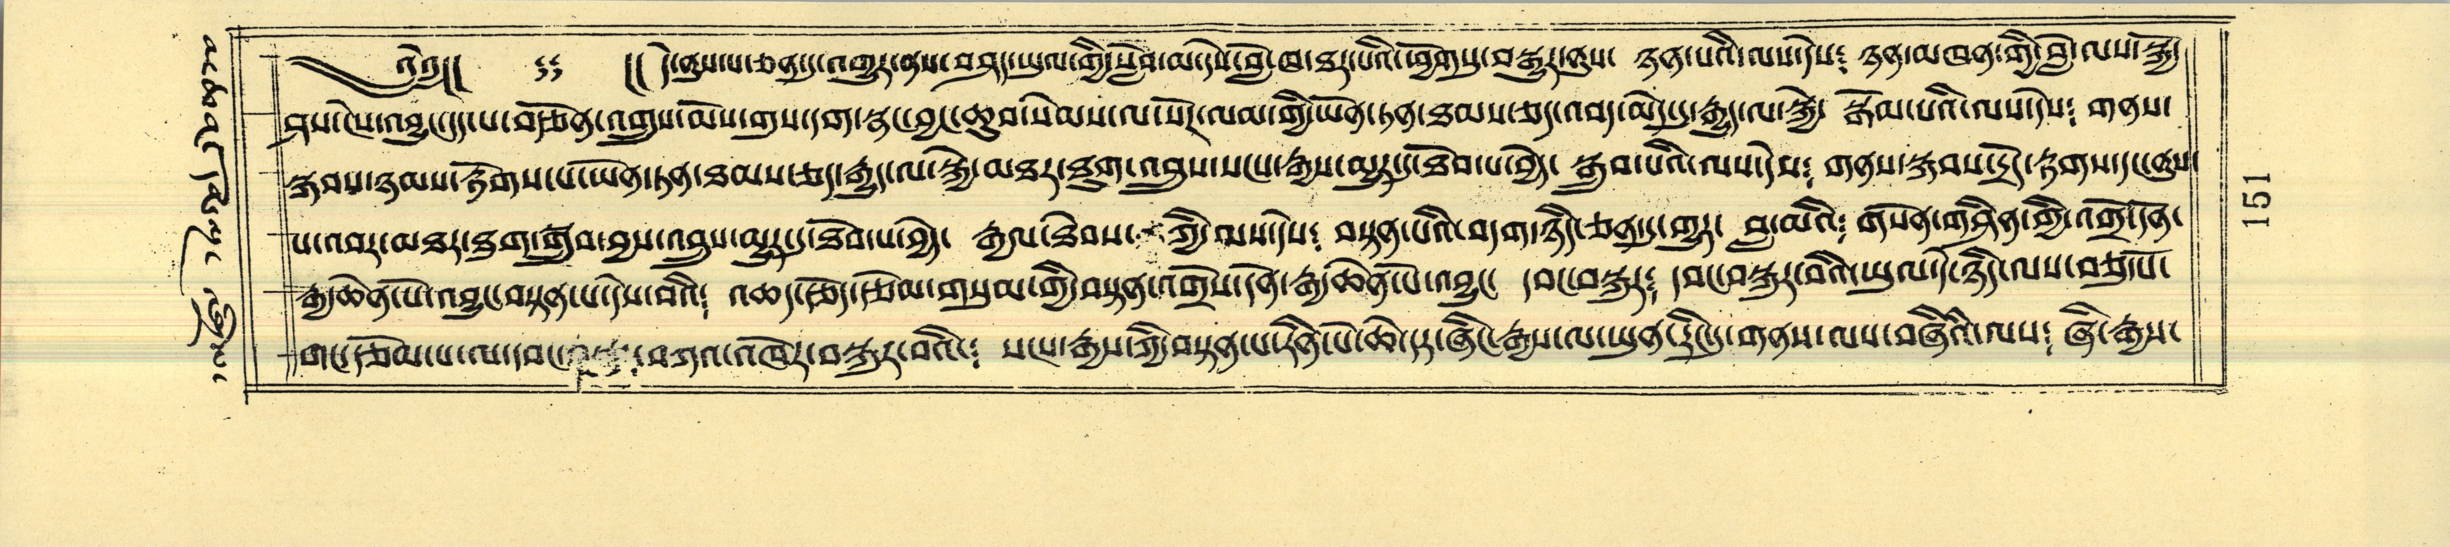དེ་ནུས་པ་ཅན་དུ་འགྱུར་ནས་བཤད་ཡུལ་གྱི་སློབ་མ་དེ་བློ་ཁ་ཐར་པའི་ཕྱོགས་སུ་བསྒྱུར་ནུས་ཉན་པའི་ལས་དེས་ཉན་མཁན་གྱི་བློ་ལས་སྐྱོ་
ཤས་དང་ངེས་འབྱུང་དད་པ་བརྩོན་འགྲུས་མོས་གུས་དག་སྣང་བྱང་ཆུབ་སེམས་ལ་སོགས་ལམ་གྱི་ཡོན་ཏན་ཐམས་ཅད་འབད་མེད་དུ་རྒྱུད་ལ་སྐྱེ་སྒོམ་པའི་ལས་དེས་གནས་
སྐབས་ཉམས་རྟོགས་པ་ཡོན་ཏན་ཐམས་ཅད་རྒྱུད་ལ་སྐྱེ། མཐར་ཐུག་འབྲས་བུ་སངས་རྒྱས་མྱུར་དུ་ཐོབ་པར་བྱེད། སྒྲུབ་པའི་ལས་དེས་གནས་སྐབས་དྲོད་རྟགས་དང་ནུས་
པོ་འབར། མཐར་ཐུག་བསྒྲུབ་བྱས་འབྲས་བུ་མྱུར་དུ་ཐོབ་པར་བྱེད། རྒྱལ་ཐེབས་ཀྱི་མ་དེས། བསྟན་པའི་བདག་ཉིད་ཅན་དུ་གྱུར། ༼བླ་མའི༽གསོན་གཤིན་གྱི་འགྲོ་དོན་
རྒྱ་ཆེན་པོ་འབྱུང་བསྟན་པ་དེས་བའི། འཆད་རྩོད་རྩོམ་གསུམ་གྱི་བསྟན་འགྲོའི་དོན་རྒྱ་ཆེན་པོ་འབྱུང་། དབང་བསྐུར། དབང་བསྐུར་བའི་ཡུལ་དེ་ཉིད་ལས་བཅུ་པོ་
གང་རྩོམ་པ་ལ་དབང་བཀའ་འཁོར་བསྐོར་བའི༑ སངས་རྒྱས་ཀྱི་བསྟན་པ་རིན་པོ་ཆེ་དར་ཞིང་རྒྱས་ལ་ཡུན་རིང་དུ་གནས་ལས་བཞིའི་ལས་ཞི་རྒྱས་